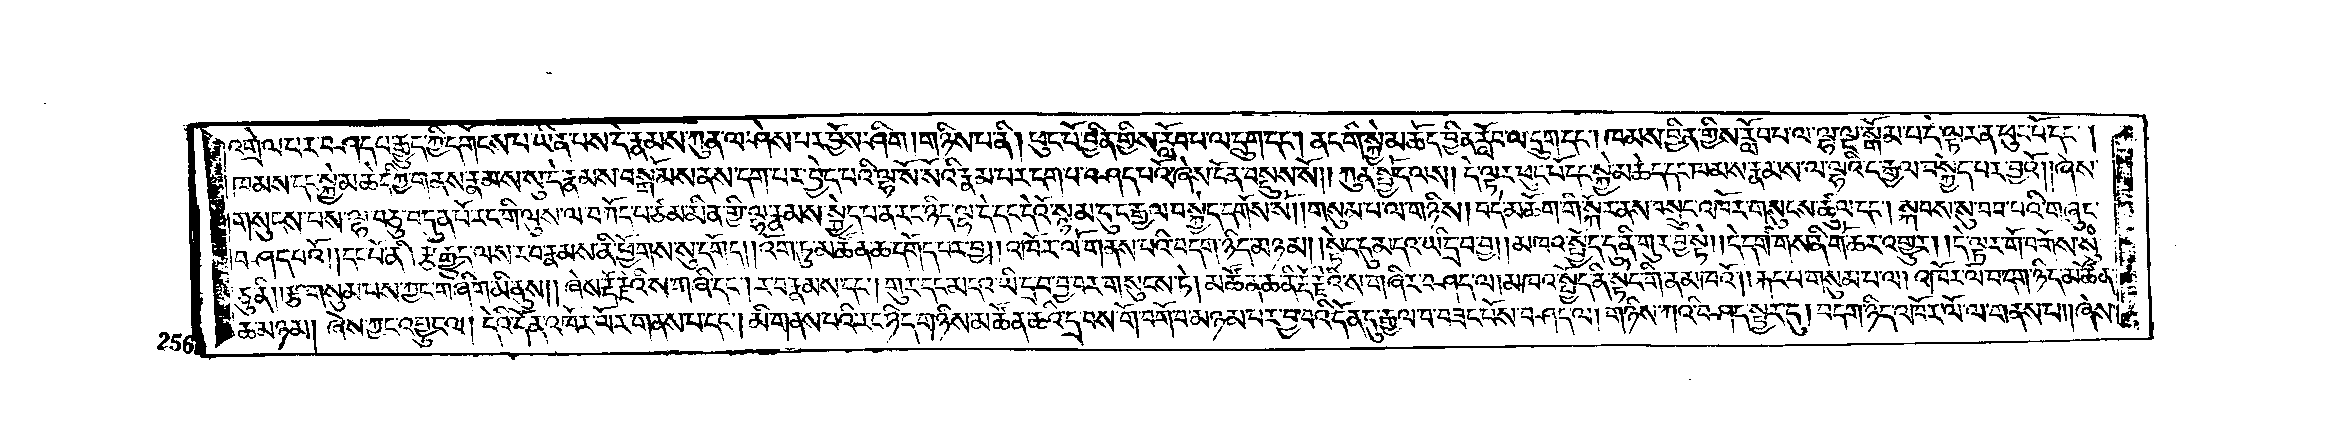འགྲེལ་པར་བཤད་པ་རྒྱུད་ཀྱི་དགངས་པ་ཡིན་པས་དེ་རྣམས་ཀུན་ལ་ཤེས་པར་བྱོས་ཤིག །གཉིས་པ་ནི། ཕུང་པོ་བྱིན་གྱིས་རློབ་པ་ལ་དྲུག་དང་། ནང་གི་སྐྱེ་མཆེད་བྱིན་རློབ་ལ་དྲུག་དང་། ཁམས་བྱིན་གྱིས་རློབ་པ་ལ་ལྷ་ལྔ་སྒོམ་པ་དེ་ལྟར་ན་ཕུང་པོ་དང་།
ཁམས་དང་སྐྱེ་མཆེད་ཀྱི་གནས་རྣམས་སུ་དེ་རྣམས་བསྒོམས་ནས་དག་པར་བྱེད་པའི་ལྷ་སོ་སོའི་རྣམ་པར་དག་པ་བཤད་པའོ་ཞེས་ངོན་བསྡུས་སོ། །ཀུན་སྤྱོད་ལས། དེ་ལྟར་ཕུང་པོ་དང་སྐྱེ་མཆེད་དང་ཁམས་རྣམས་ལ་ལྷའི་ང་རྒྱལ་བསྐྱེད་པར་བྱའོ། །ཞེས་
གསུངས་པས་ལྷ་བཅུ་བདུན་པོ་རང་གི་ལུས་ལ་བཀོད་པ་ཙམ་མིན་གྱི་ལྷ་རྣམས་སྐྱེད་པ་ན་རང་ཉིད་ལྷ་དེ་དང་དེའོ་སྙམ་དུ་ང་རྒྱལ་བསྐྱེད་དགོས་སོ། །གསུམ་པ་ལ་གཉིས། བདེ་མཆོག་གི་སྐོར་ནས་བསྲུང་འཁོར་གསུངས་ཚུལ་དང་། སྐབས་སུ་བབ་པའི་གཞུང་བསྲུང་འཁོར་གསུངས་ཚུལ་དང་། སྐབས་སུ་བབ་པའི་གཞུང་
བཤད་པའོ། །དང་པོ་ནི། རྩ་རྒྱུད་ལས་ར་བ་རྣམས་ནི་ཕྱོགས་སུ་དགོད། །འོག་ཏུ་མཚོན་ཆ་དགོད་པར་བྱ། །འཁོར་ལོ་གནས་པའི་བདག་ཉིད་མཉམ། །སྟེང་དུ་མདའ་ཡི་དྲ་བ་བྱ། །མཁའ་སྤྱོད་དུ་ནི་གུར་བྱ་སྟེ། །དེ་དག་གིས་ནི་གོ་ཆར་འགྱུར། །དེ་ལྟར་གོ་བགོས་སུཾ་
ཅུ་ནི། །རྩ་གསུམ་པས་ཀྱང་གཞིག་མི་ནུས། །ཞེས་རྡོ་རྗེའི་ས་གཞི་དང་། ར་བ་རྣམས་དང་། གུར་དང་མདའ་ཡི་དྲ་བ་བྱ་བར་གསུངས་ཏེ། མཚོན་ཆ་ནི་རྡོ་རྗེའི་ས་གཞིར་བཤད་ལ། མཁའ་སྤྱོད་ནི་སྟེང་གི་ནམ་མཁའོ། །རྐང་པ་གསུམ་པ་ལ། འཁོར་ལོ་བདག་ཉིད་མཚོན་
ཆ་མཉམ། །ཞེས་ཀྱང་འབྱུང་ལ། དེའི་དོན་འཁོར་ལོར་གནས་པ་དང་། མི་གནས་པའི་རང་ཉིད་གཉིས་མཚོན་ཆའི་དྲ་བས་གོ་བགོ་བ་མཉམ་པར་བྱ་བའི་དོན་དུ་རྒྱལ་བ་བཟང་པོས་བཤད་ལ། གཉིས་ཀའི་བཤད་སྦྱར་དུ། བདག་ཉིད་འཁོར་ལོ་ལ་གནས་པ། །ཞེས་